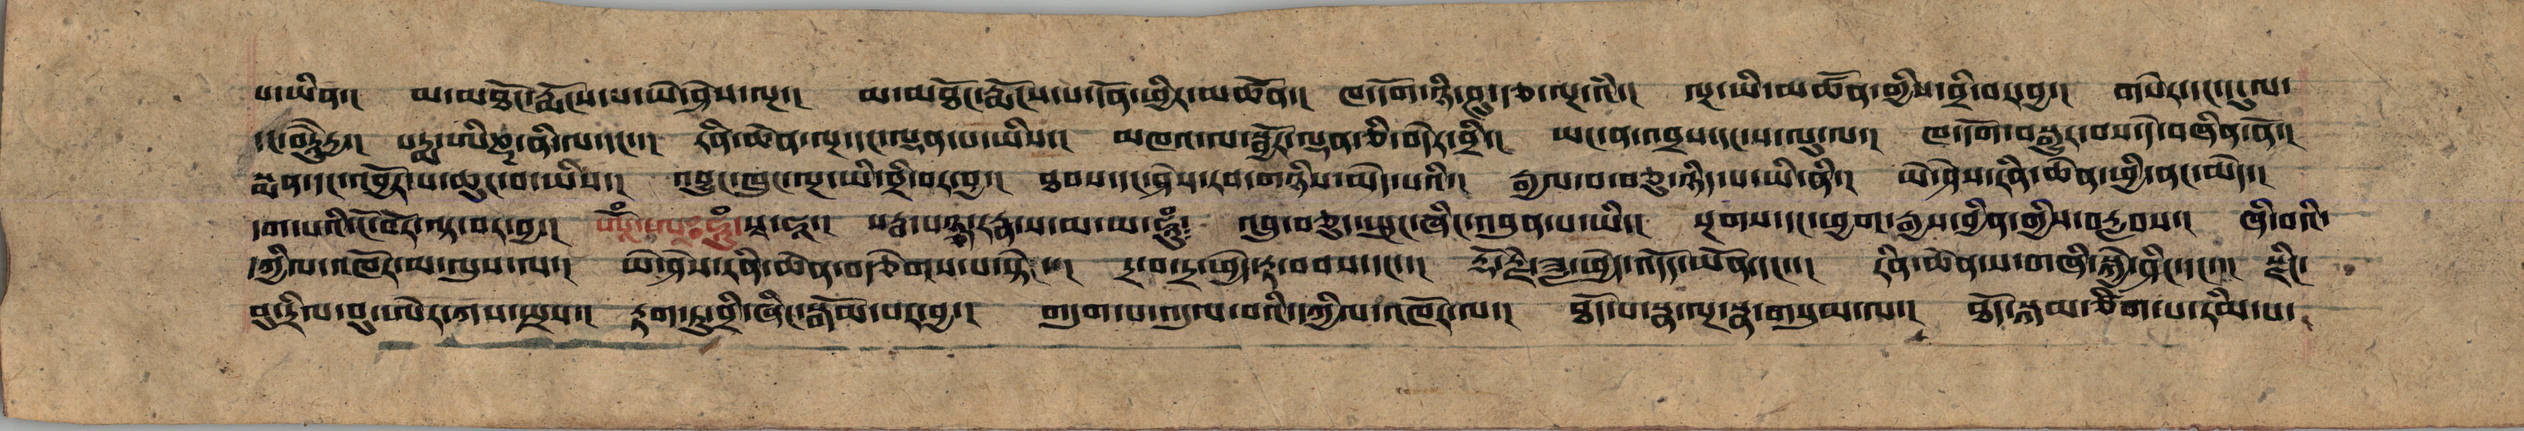པ་ཡིན་། མ་མཐོང་རྨོངས་པ་ཡེ་ཤེས་ལྔ་། མ་མཐོང་རྨོངས་པ་དོན་ཕྱིར་མཚོན་། ཁ་དོག་ཉི་ཤུ་རྩ་ལྔ་འཾ་། ལྔ་ཡི་མཚོན་གྱིས་བྲི་བར་བྱ་། གསེར་དང་དངུལ་
དང་བཻཌཱུརྱ་། པདྨ་ཨིཎྜ་ནི་ལ་དང་་། རིན་ཆེན་ལྔ་དང་ལྡན་པ་ཡིས་། མཁའ་ལ་སྦྱོར་ལྡན་ཅི་བདེར་བྲི་། ཡང་ན་འབྲས་དང་ས་ལུ་ལ་། ཁ་དོག་བསྒྱུར་བས་དེ་བཞིན་ནོ་།
སྨན་དང་འབྱོར་པ་ཆུང་བ་ཡིས་། འབྱུང་ཁུང་ལྔ་ཡི་བྲི་བར་བྱ་། ཐབས་དང་ཤེས་རབ་གཉིས་མེད་པའི་། རྒྱལ་བ་བཅུ་ཉིད་པ་ཡི་ནི་། ཡེ་ཤེས་རིན་ཆེན་ཕྱི་ནང་མེད་།
དག་པའི་ངོ་བོར་ལྟ་བར་བྱ་། ཨཱོཾ་ཨཱཿཧཱུཾ་སྭ་ཧཱ་། སརྦ་པཉྩ་རཏྣ་ས་མ་ཡ་ཧཱུཾ༴ འབྲུ་བཅུ་སྤུང་ཞིང་འབུན་པ་ཡི་། སྔགས་དང་ཕྱག་རྒྱས་བྱིན་གྱིས་བརླབས་། ཞི་བའི་
དཀྱིལ་འཁོར་མ་ལུས་ལ་། ཡེ་ཤེས་རིན་ཆེན་བརྩེགས་པ་སྟེ་། དྲ་བ་དྲ་ཕྱེད་རྟ་བབས་དང་། རྡོ་རྗེ་ཟླ་ཕྱེད་འདོད་ཡོན་དང་་། རིན་ཆེན་ས་གཞི་སྐྱེ་ཤིང་དང་་། སྫིང་
བུ་དྲིལ་བུ་ཨེར་ཀས་སྤྲས་། རྟག་ཏུ་བྲི་ཞིང་སྒོམ་པར་བྱ་། གདུག་པ་འདུལ་བའི་དཀྱིལ་འཁོར་ལ་། ཐོད་པ་སྣ་ལྔ་སྣ་གསུམ་ལ་། ཐོད་སྐམ་ཙིག་པ་རིམ་པ་